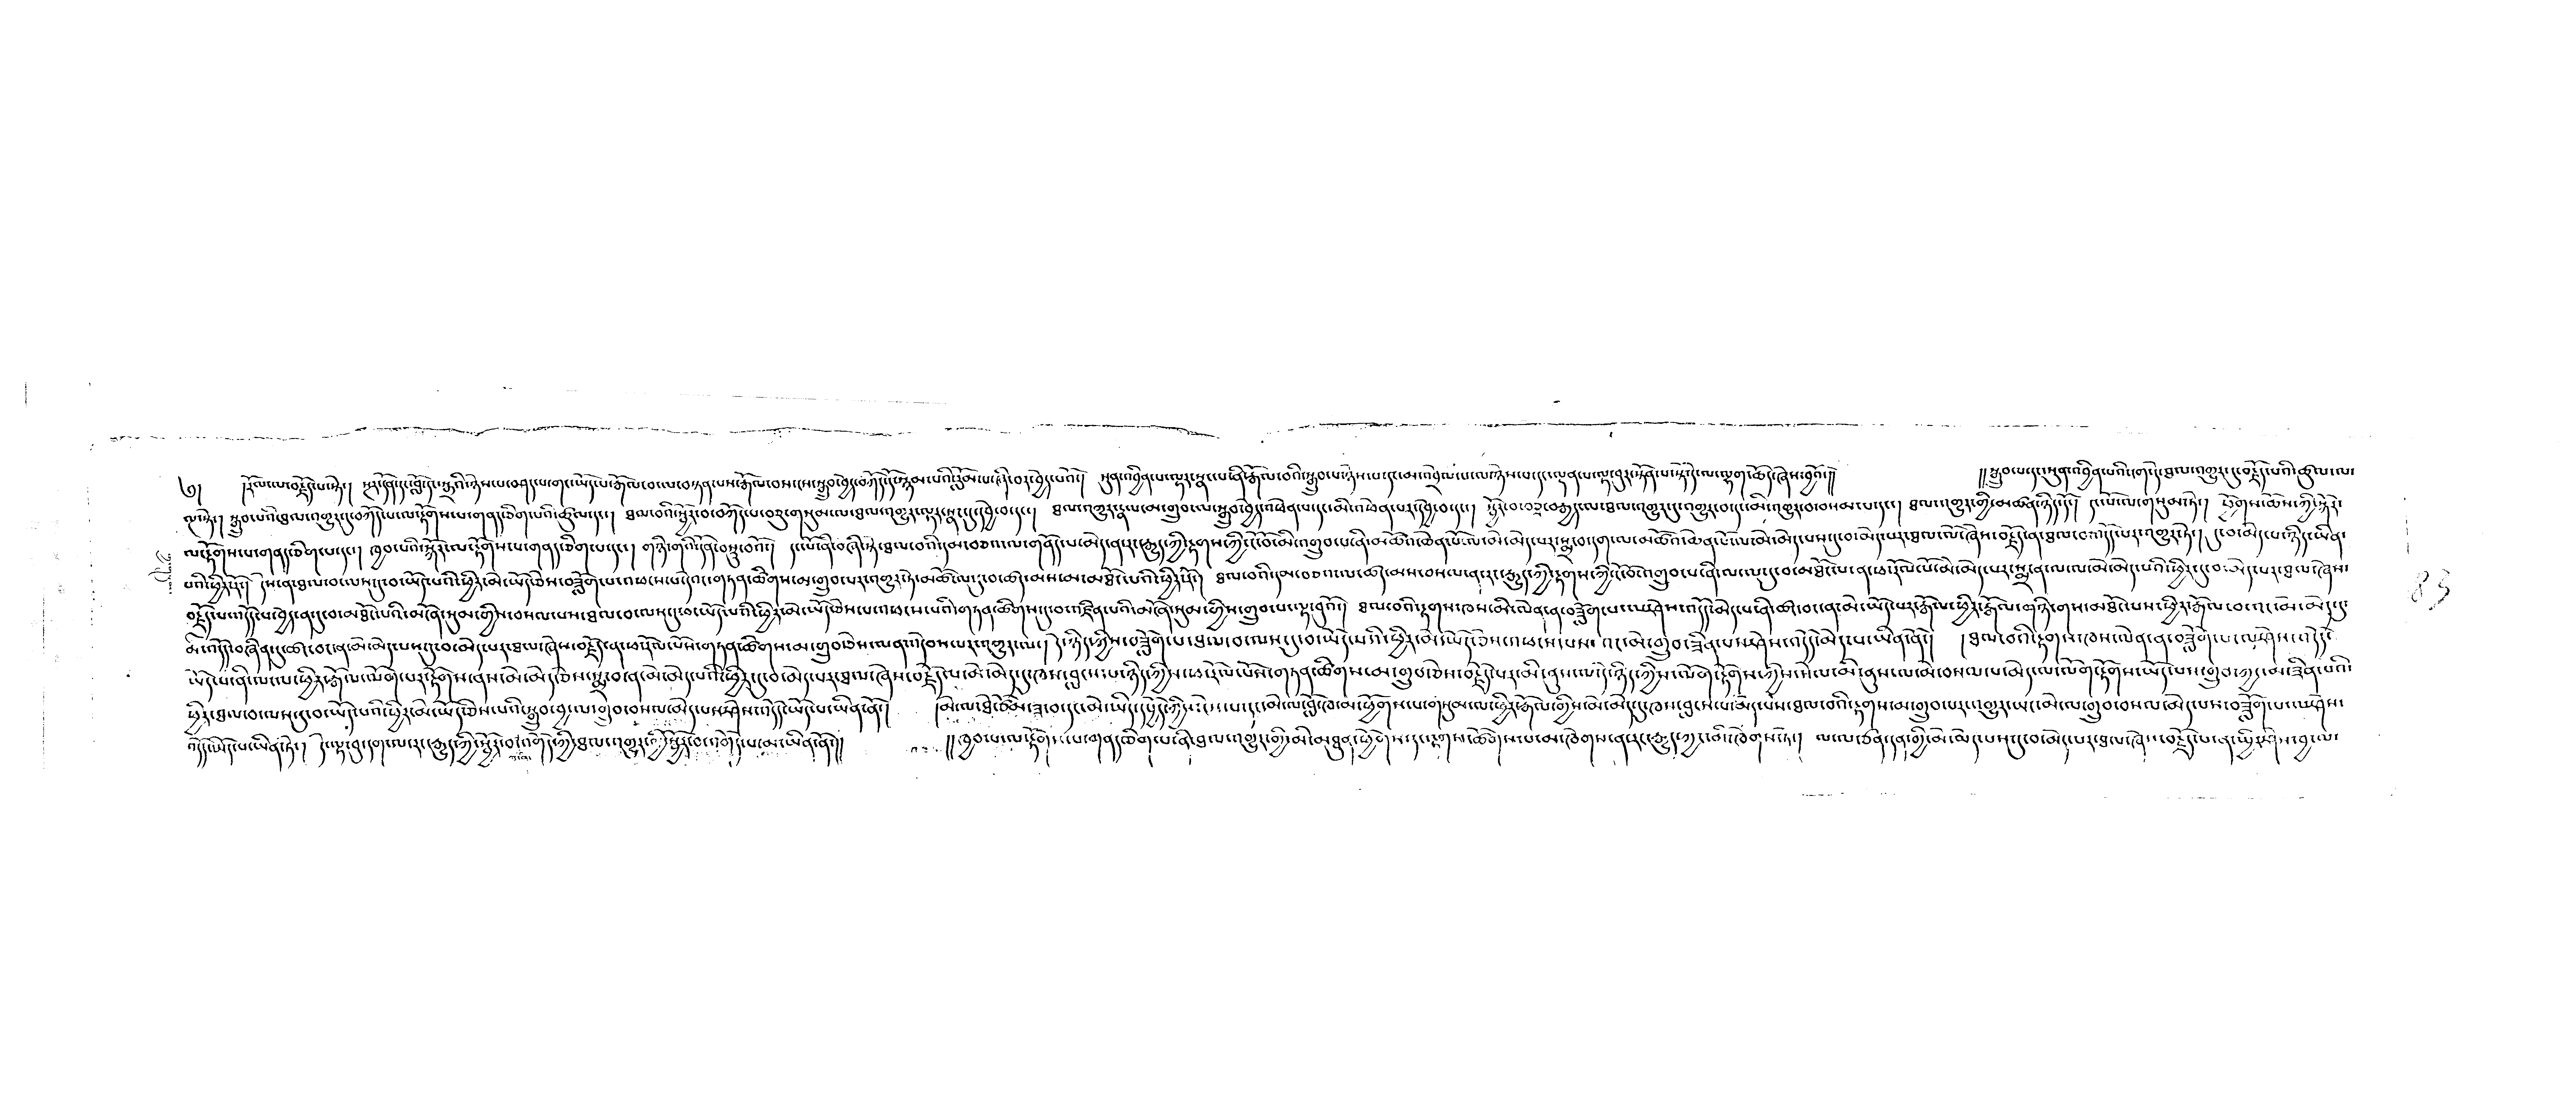༈། །རོལ་པ་བརྗོད་པ་སྟེ། སྔར་དོན་དང་བློ་དང་སྒྲའི་ཉེས་པ་བཤད་པ་གང་ཡོད་པ་རྒོལ་བ་ལ་བསྟན་པས་རྒོལ་བས་ངས་སྒྲུབ་བྱེད་བཀོད་དོ་སྙམ་པའི་རློམ་པ་ཞི་བར་བྱེད་པའོ། སུན་འབྱིན་པ་ལྟར་སྣང་པ་ནི་རྒོལ་བའི་སྒྲུབ་པ་ཉེས་པ་དང་མ་འབྲེལ་པ་ལ་ཉེས་པ་དང་ལྡན་པ་ལྟ་བུར་སྟོན་པ་སྟེ་དེ་ལ་ལྷག་ཆོད་ཞེས་བྱའོ།། །།སྒྲུབ་པ་དང་སུན་འབྱིན་པའི་ངག་དེ་ཐལ་འགྱུར་དུ་བརྗོད་པའི་ཚུལ་ལ་
ལྔ་སྟེ། སྒྲུབ་པའི་ཐལ་འགྱུར་དུ་བཀོད་པ་ལ་རྟོགས་པ་གནད་ཅིག་པའི་ཚུལ་དང་། ཐལ་བའི་སྦྱོར་བ་བཀོད་པ་བཅུ་གསུམ་ལ་ཐལ་འགྱུར་ལྟར་སྣང་དུ་དབྱེ་བ་དང་། ཐལ་འགྱུར་རྣལ་མ་གྲུབ་ལ་སྒྲུབ་བྱེད་འཕེན་པ་དང་མི་འཕེན་པར་དབྱེ་བ་དང་། སྦྱོར་བ་བཅྭ་བརྒྱད་ལ་ཐལ་འགྱུར་དུ་འགྱུར་བ་དང་མི་འགྱུར་བ་བསམ་པ་དང་། ཐལ་འགྱུར་གྱི་མཚན་ཉིད་དོ། དང་པོ་ལ་གསུམ་ཏེ། ཕྱོགས་ཆོས་ཀྱི་སྐོར་
ལ་རྟོགས་པ་གནད་ཅིག་པ་དང་། ཁྱབ་པའི་སྐོར་ལ་རྟོགས་པ་གནད་ཅིག་པ་དང་། གཉི་གའི་དོན་བསྡུ་བའོ། དང་པོ་ནི་བཞི་སྟེ་ཐལ་བའི་དམ་བཅའ་ལ་གནོད་པ་མེད་ན་རང་རྒྱུད་ཀྱི་རྟགས་ཀྱི་ངོ་བོ་མི་འགྲུབ་པ་ནི་མཚོའ་ཆེན་པོ་ལ་མེ་མེད་པར་སྨྲ་བ་དག་ལ་མཚོའ་ཆེན་པོ་ལ་མེ་མེད་པས་དུ་བ་མེད་པར་ཐལ་ལོ་ཞེས་བརྗོད་ན་ཐལ་བ་འདོད་པར་འགྱུར་ཏེ། དུ་བ་མེད་པ་ཉིད་ཡིན་
པའི་ཕྱིར་རོ། དེས་ན་ཐལ་བ་ལས་དུ་བ་ཡོད་པའི་ཕྱིར་མེ་ཡོད་ཅེས་བཟློག་པ་འཕངས་པ་དེའང་གཏན་ཚིགས་མ་གྲུབ་པར་འགྱུར་ཏེ་མཚོ་ལ་དུ་བ་ཚད་མས་མ་མཐོང་པའི་ཕྱིར་རོ། ཐལ་བའི་དམ་བཅའ་ལ་ཚད་མས་བསལ་ན་རང་རྒྱུད་ཀྱི་རྟགས་ཀྱི་ངོ་བོ་འགྲུབ་པ་ནི་ལ་ལ་དུ་བ་མཐོང་པ་ན་ཕ་རོལ་པོ་མེ་མེད་པར་སྨྲ་ན་ལ་ལ་མེ་མེད་པའི་ཕྱིར་དུ་བ་མེད་པར་ཐལ་ཞེས་
བརྗོད་པ་འདོད་པ་བྱེད་ན་དུ་བ་མཐོང་པའི་མངོན་སུམ་གྱིས་བསལ་པས་ཐལ་བ་ལས་དུ་བ་ཡོད་པའི་ཕྱིར་མེ་ཡོད་ཅེས་པ་འཕངས་པའི་གཏན་ཚིགས་དུ་བ་འཛིན་པའི་མངོན་སུམ་གྱིས་གྲུབ་པ་ལྟ་བུའོ། ཐལ་བའི་རྟགས་ཁས་མི་ལེན་ན་བཟློག་པ་ལ་ཤེས་འདོད་མེད་པ་ནི་ཚང་བང་ན་མེ་ཡོད་པར་རྒོལ་ཕྱིར་རྒོལ་གཉི་གས་མཐོང་པས་ཕྱིར་རྒོལ་བ་འང་མེ་མེད་དུ་
མི་འདོད་བཞིན་དུ་ཚང་བང་ན་མེ་མེད་པས་དུ་བ་མེད་པར་ཐལ་ཞེས་བརྗོད་ན་ཕ་རོལ་པོས་གཏན་ཚིགས་མ་གྲུབ་ཅེས་ལན་འདེབས་པར་འགྱུར་ལ། དེ་ཉིད་ཀྱིས་བཟློག་པ་ཐལ་བ་ལས་དུ་བ་ཡོད་པའི་ཕྱིར་མེ་ཡོད་ཅེས་འཕངས་པས་འང་མེ་གྲུབ་ཟིན་པས་ཤེས་འདོད་མེད་པ་ཡིན་ནོ། །ཐལ་བའི་རྟགས་ཁས་ལེན་ན་བཟློག་པ་ལ་ཤེས་འདོད་
ཡོད་པ་ནི་ལ་ལ་ཕྱིར་རྒོལ་ལོག་པར་རྟོགས་ནས་མེ་མེད་ཅེས་སྨྲ་བ་ན་མེ་མེད་པའི་ཕྱིར་དུ་བ་མེད་པར་ཐལ་ཞེས་བརྗོད་པ་མེ་མེད་དུ་ཁས་བླངས་པ་ཉིད་ཀྱིས་ཕ་རོལ་པོས་གཏན་ཚིགས་མ་གྲུབ་ཅེས་བརྗོད་པར་མི་ནུས་ལ་དེ་ཉིད་ཀྱིས་ལོག་རྟོགས་ཀྱིས་སེལ་མི་ནུས་ལ་མེ་བསལ་པ་མེད་ལ་ལོག་རྟོགས་ཡོད་པས་གྲུབ་ཀྱང་མ་ཟིན་པའི་
ཕྱིར་ཐལ་བ་ལས་དུ་བ་ཡོད་པའི་ཕྱིར་མེ་ཡོད་ཅེས་པའི་སྒྲུབ་བྱ་ལ་གྲུབ་བསལ་མེད་པས་ཤེས་འདོད་ཡོད་པ་ཡིན་ནོ། །མེ་ལ་ཐེ་ཙོམ་ཟ་བ་དང་མེ་ཡིད་དཔྱོད་ཀྱིས་ངེས་པ་དང་མེ་ལ་བློ་ཁ་མ་ཕྱོགས་པ་གསུམ་ལ་ཕྱིར་རྒོལ་གྱིས་མེ་མེད་དུ་ཁས་བླངས་པ་མེད་པས་ཐལ་བའི་རྟགས་མ་གྲུབ་པར་འགྱུར་ཡང་མེ་ལ་གྲུབ་བསལ་མེད་པས་བཟློག་པ་ལ་ཤེས་
འདོད་ཡོད་པ་ཡིན་ཏེ། དེ་ལྟ་བུ་དག་ལ་རང་རྒྱུད་ཀྱི་སྦྱོར་བ་འགོད་ཀྱི་ཐལ་འགྱུར་གྱི་སྦྱོར་བ་འགོད་པ་མ་ཡིན་ནོ།། །།ཁྱབ་པ་ལ་རྟོགས་པ་གནད་ཅིག་པ་ནི་ཐལ་འགྱུར་གྱི་མི་མཐུན་ཕྱོགས་དང་རྟགས་ཚོགས་པ་མ་ཁེགས་ན་རང་རྒྱུད་ཀྱང་མི་ཁེགས་ཏེ། ལ་ལ་ཙན་དན་གྱི་མེ་མེད་པས་དུ་བ་མེད་པར་ཐལ་ཞེས་བརྗོད་པ་ན་སྤྱི་ཤེས་བྱ་ལ་